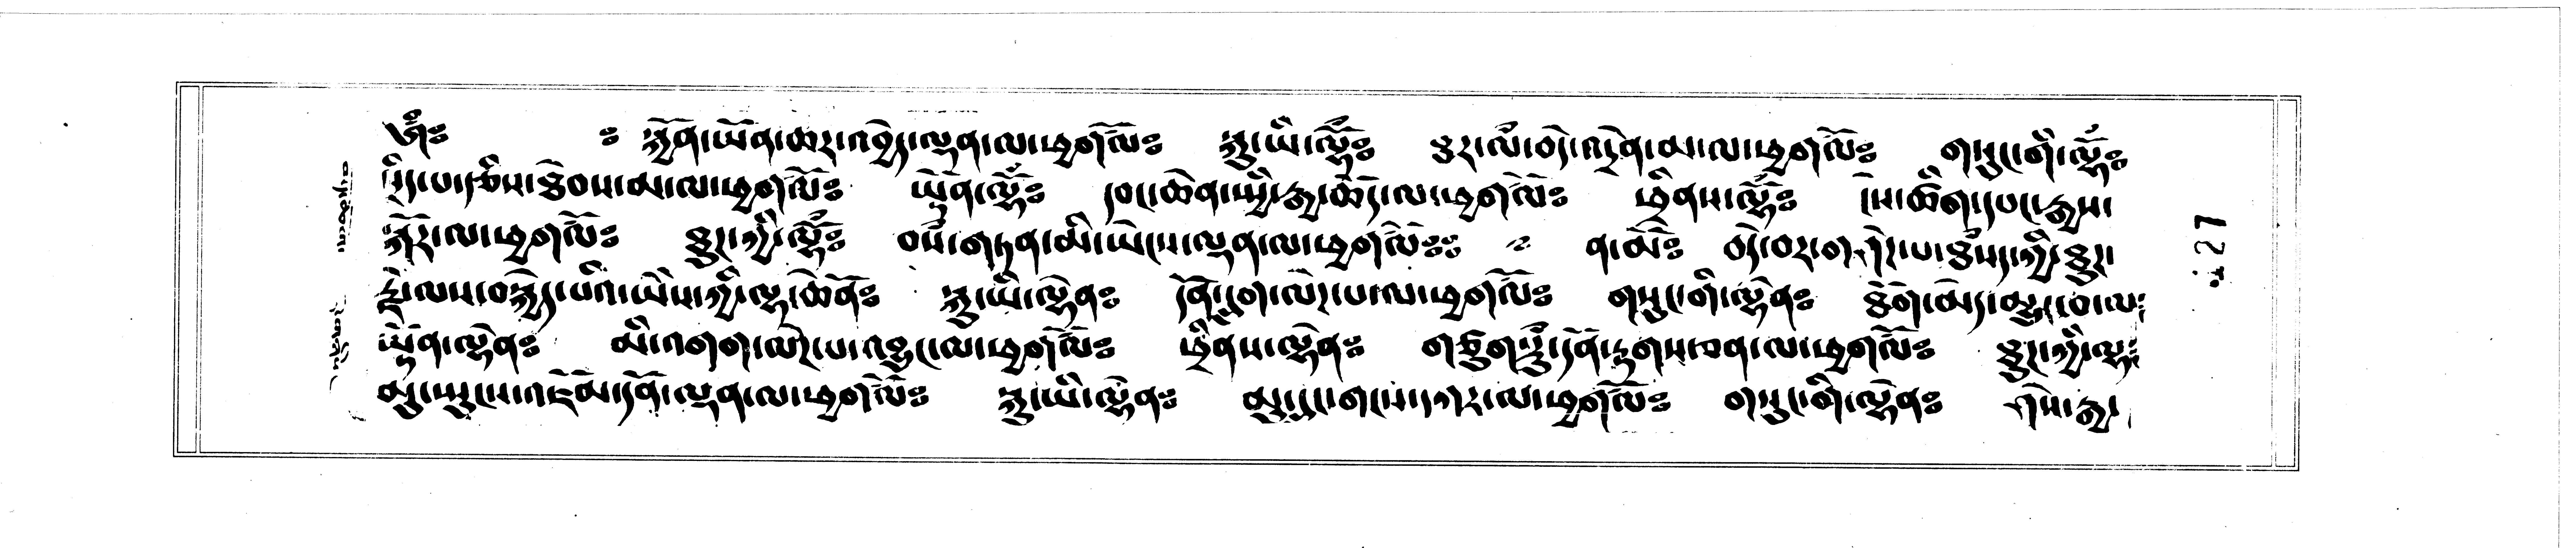སྐྱོན་ཡོན་ཆར་འབྱེད་ལྡན་ལ་ཕྱག་འཚལ་ལོཿ སྐུ་ཡི་ལྷ་མོཿ ཐར་ལམ་བདེ་འདྲེན་མ་ལ་ཕྱག་འཚལ་ལོཿ གསུང་གི་ལྷ་མོཿ 
སྲིད་པའི་རྩིས་ཐེབས་མ་ལ་ཕྱག་འཚལ་ལོཿ ཡོན་ཏན་གྱི་ལྷ་མོཿ དབང་ཆེན་སྤྱི་རྒྱ་གཅོད་ལ་ཕྱག་འཚལ་ལོཿ ཕྲིན་ལས་ཀྱི་ལྷ་མོཿ ངེས་ཚིག་དབང་རྒྱས་
སྐོར་ལ་ཕྱག་འཚལ་ལོཿ ཐུགས་ཀྱི་ལྷ་མོཿ བསམ་གཏན་མི་ཡེངས་ལྡན་ལ་ཕྱག་འཚལ་ལོཿ ན་མོ་བདེ་བར་གཤེགས་པ་ཐམས་ཅད་ཀྱི་ཐུགས་
རྗེ་ལས་བསྐྱེད་པའི་ཡེ་ཤེས་ཀྱི་ལྷ་ཆེན་པོཿ སྐུ་ཡི་ལྷ་ཆེནཿ དོན་དྲུག་ལེགས་པ་ལ་ཕྱག་འཚལ་ལོཿ གསུང་གི་ལྷ་ཆེནཿ ཐོགས་མེད་མྱུར་བ་ལ་ཕྱག་འཚལ་ལོཿ 
ཡོན་ཏན་གྱི་ལྷ་ཆེནཿ མི་འགག་ལེགས་པ་འབྱུང་ལ་ཕྱག་འཚལ་ལོཿ ཕྲིན་ལས་ཀྱི་ལྷ་ཆེནཿ གཙུག་རུམ་དོན་རྟགས་ཅན་ལ་ཕྱག་འཚལ་ལོཿ ཐུགས་ཀྱི་ལྷ་ཆེནཿ 
མུ་སྤུངས་འཇོམས་དང་ལྡན་ལ་ཕྱག་འཚལ་ལོཿ སྐུ་ཡི་ལྷ་ཆེནཿ མུ་དྲུང་གངས་དཀར་ལ་ཕྱག་འཚལ་ལོཿ གསུང་གི་ལྷ་ཆེནཿ ཤེས་རྒྱ་